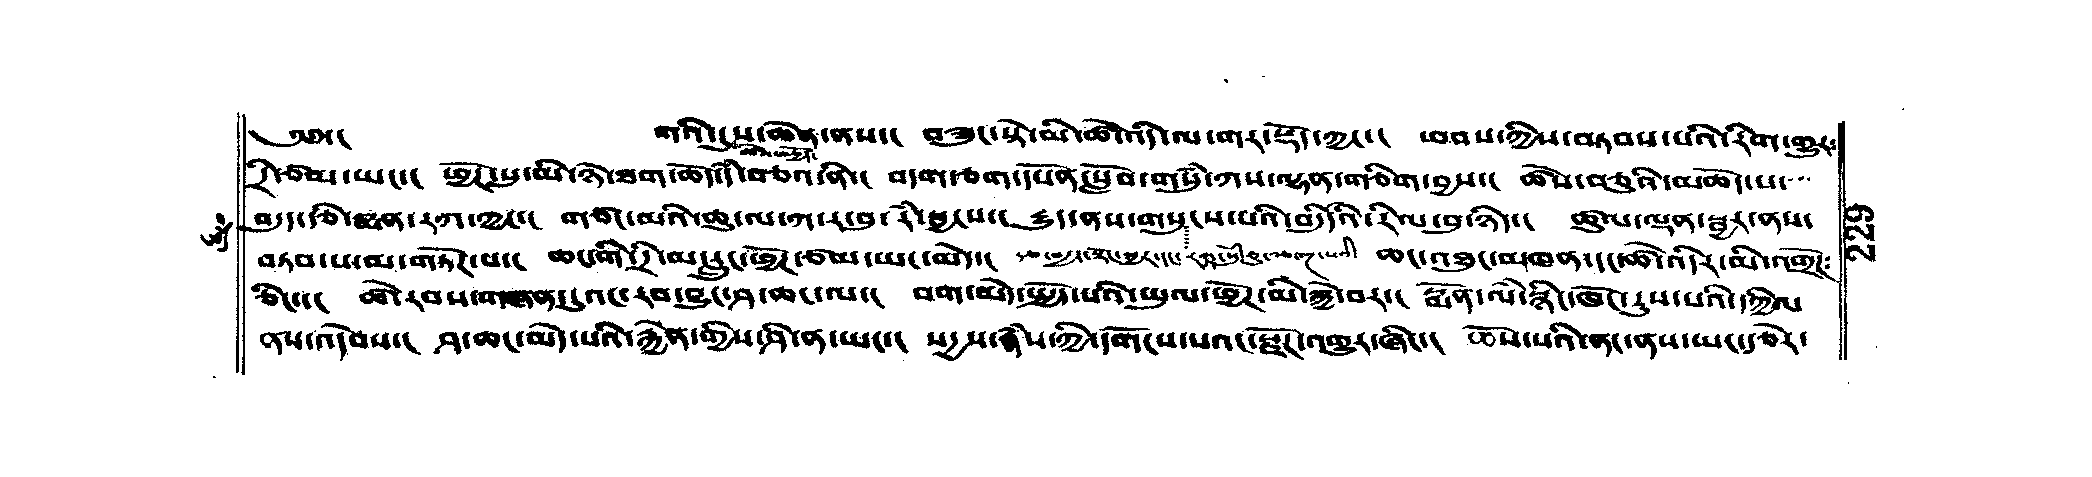གའི་དུས་ཆེན་ནས། །བཟུང་སྟེ་མི་ཚེ་འདི་ལ་གར་སྡོད་ཀྱང་། །ཕབས་ཀྱིས་བཏབ་པའི་རིགས་གྱུར་
དྲི་ཙམ་ཡང་། །ཕྱོགས་སུ་མི་ཉེ་ཐག་ཆོད་དམ་བཅའ་ནི། །བདག་ཅག་དཔོན་སློབ་གསུམ་ཀས་ལྷན་ཅིག་བྱས། །ཚེས་བཅུའི་མཆོད་པ་
བདུད་རྩི་སྨན་རཀ་ཀྱང་། །གཙང་མའི་ཆུ་ལ་ཀ་ར་བུ་རམ་སྦྱངས། །རྒྱུད་ནས་གསུངས་{ རྩ་བརྒྱད་སྟོང་སྦྱར་དང་རཀྟ་སུམ་ཅུ་རྩ་ལྔ་པའི། མཆན། }པའི་བདུད་རྩིའི་རིལ་བུ་ཉིད། །ཚུལ་ལྡན་སྦྱར་ནས་
བཏབ་པ་མ་གཏོགས་པ། །ཆང་གི་དྲི་མ་རླུང་ཕྱོགས་ཙམ་ཡང་མེད། །ཆང་འཐུང་མཁན་དང་ཚེ་འདིར་མི་འགྲོགས་
ཅིང་། །ཚེ་རབས་གཞན་དུའང་རབ་བྱུང་ཤ་ཆང་ལ། །བག་མེད་སྤྱོད་པའི་ཡུལ་ཕྱོགས་མི་སྐྱེ་བར། །སྨོན་ལམ་སྙིང་ཁོང་རུས་པའི་དཀྱིལ་
ནས་འདེབས། །ཤ་ཆང་མེད་པའི་རྐྱེན་གྱི་ཤི་ན་ཡང་། །སངས་རྒྱས་རྣམས་ཀྱི་དགོངས་པའང་རྫོགས་འགྱུར་ཞིང་། །ཆོས་པའི་ནང་ནས་ཡང་རྩེར་